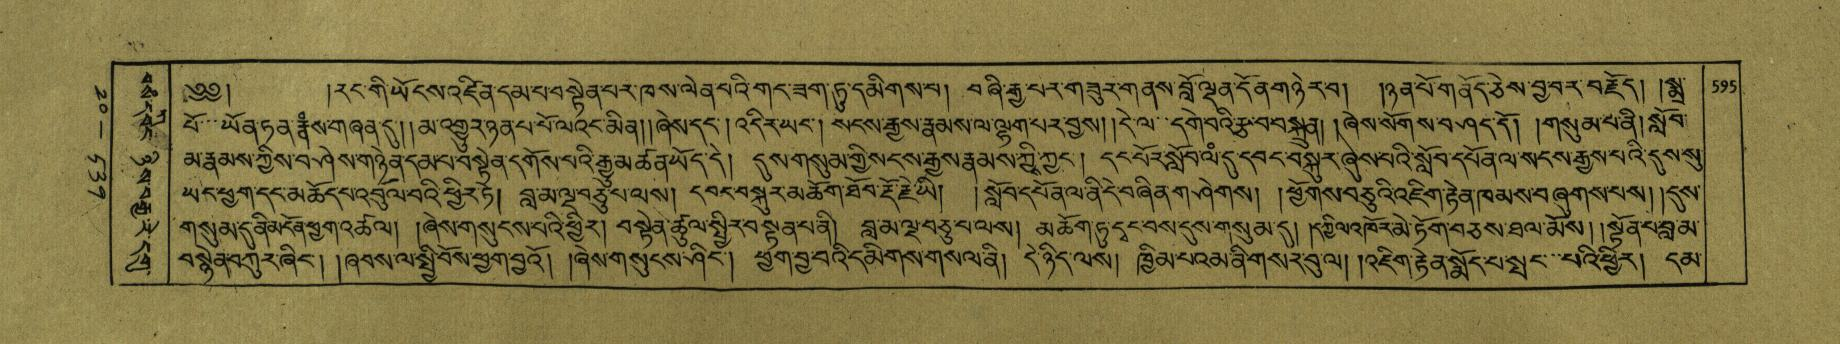༄༅། །རང་གི་ཡོངས་འཛིན་དམ་པ་བསྟེན་པར་ཁས་ལེན་པའི་གང་ཟག་ཏུ་དམིགས་པ། བཞི་རྒྱ་པར་གཟུར་གནས་བློ་ལྡན་དོན་གཉེར་བ། །ཉན་པོ་གནོད་ཅེས་བྱ་བར་བརྗོད། །སྨྲ་
པོ་ཡོན་ཏན་རྣམས་གཞན་དུ། །མ་འགྱུར་ཉན་པ་པོ་ལའང་མིན། །ཞེས་དང་། འདིར་ཡང་། སངས་རྒྱས་རྣམས་ལ་ལྷག་པར་བྱས། །དེ་ལ་དགེ་བའི་རྩ་བསྐུན། །ཞེས་སོགས་བཤད་དོ། །གསུམ་པ་ནི། སློབ་
མ་རྣམས་ཀྱིས་བཤེས་གཉེན་དམ་པ་བསྟེན་དགོས་པའི་རྒྱུ་མཚན་ཡོད་དེ། དུས་གསུམ་གྱི་སངས་རྒྱས་རྣམས་ཀྱིས་ཀྱང་། དང་པོར་སློབ་ལཾ་དུ་དབང་བསྐུར་ཞུས་པའི་སློབ་དཔོན་ལ་སངས་རྒྱས་པའི་དུས་སུ་
ཡང་ཕྱག་དང་མཆོད་པ་འབུལ་པའི་ཕྱིར་ཏེ། བླ་མ་ལྔ་བཅུ་པ་ལས། དབང་བསྐུར་མཆོག་ཐོབ་རྡོ་རྗེ་ཡི། །སློབ་དཔོན་ལ་ནི་དེ་བཞིན་གཤེགས། །ཕྱོགས་བཅུའི་འཇིག་རྟེན་ཁམས་བཞུགས་པས། །དུས་
གསུམ་དུ་ནི་མངོན་ཕྱག་འཚལ། །ཞེས་གསུངས་པའི་ཕྱིར། བསྟེན་ཚུལ་སྤྱིར་བསྟན་པ་ནི། བླ་མ་ལྔ་བཅུ་པ་ལས། མཆོག་ཏུ་དང་བས་དུས་གསུམ་དུ། །དཀྱིལ་འཁོར་མེ་ཏོག་བཅས་ཐལ་མོས། །སྟོན་པ་བླ་མ་
བསྙེན་བཀུར་ཞིང་། །ཞབས་ལ་སྤྱི་བོས་ཕྱག་བྱའོ། །ཞེས་གསུངས་ཤིང་། ཕྱག་བྱ་བའི་དམིགས་གསལ་ནི། དེ་ཉིད་ལས། ཁྱིམ་པའམ་ནི་གསར་བུ་ལ། །འཇིག་རྟེན་སྨོད་པ་སྤང་པའི་ཕྱིར། དམ་